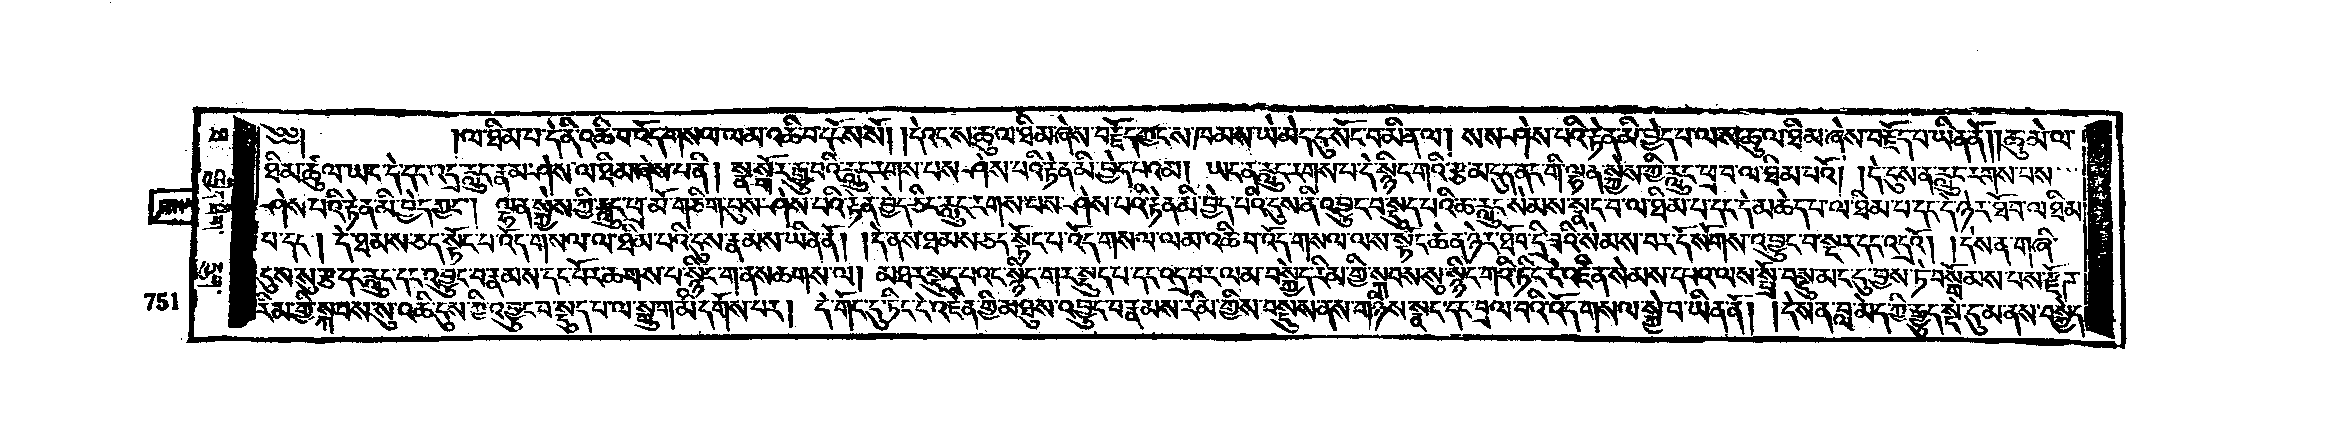༄༅། །ལ་ཐིམ་པ་དེ་ནི་འཆི་བ་འོད་གསལ་ལམ་འཆི་བ་དངོས་སོ། །དེའང་ས་ཆུ་ལ་ཐིམ་ཞེས་བརྗོད་ཀྱང་ས་ཁམས་ཡེ་མེད་དུ་སོང་བ་མིན་ལ། སས་ཤེས་པའི་རྟེན་མི་བྱེད་པ་ལ་ས་ཆུ་ལ་ཐིམ་ཞེས་བརྗོད་པ་ཡིན་ནོ། །ཆུ་མེ་ལ་
ཐིམ་ཚུལ་ཡང་དེ་དང་འདྲ་རླུང་རྣམ་ཤེས་ལ་ཐིམ་ཞེས་པ་ནི། སྣ་སྒོར་རྒྱུ་བའི་རླུང་རགས་པས་ཤེས་པའི་རྟེན་མི་བྱེད་པའམ། ཡང་ན་རླུང་རགས་པ་དེ་སྙིང་གའི་རྩ་མདུད་ནང་གི་ལྷན་སྐྱེས་ཀྱི་རླུང་ཕྲ་བ་ལ་ཐིམ་པའོ། །དེ་དུས་ན་རླུང་རགས་པས་
ཤེས་པའི་རྟེན་མི་བྱེད་ཀྱང་། ལྷན་སྐྱེས་ཀྱི་རླུང་ཕྲ་མོ་གཅིག་པུས་ཤེས་པའི་རྟེན་བྱེད་ཅིང་རླུང་རགས་པས་ཤེས་པའི་རྟེན་མི་བྱེད་པའི་དུས་ནི་འབྱུང་བ་སྡུད་པའི་ཆ་རླུང་སེམས་སྣང་བ་ལ་ཐིམ་པ་དང་དེ་མཆེད་པ་ལ་ཐིམ་པ་དང་དེ་ཉེར་ཐོབ་ལ་ཐིམ་
པ་དང་། དེ་ཐམས་ཅད་སྟོང་པ་འོད་གསལ་ལ་ཐིམ་པའི་དུས་རྣམས་ཡིན་ནོ། །དེ་ནས་ཐམས་ཅད་སྟོང་པ་འོད་གསལ་ལམ་འཆི་བ་འོད་གསལ་ལས་སྟོང་ཆེན་ཉེར་ཐོབ་དྲི་ཟའི་སེམས་བར་དོ་སོགས་འབྱུང་བ་སྔར་དང་འདྲའོ། །དེས་ན་གཞི་
དུས་སུ་རྩ་དང་རླུང་དང་འབྱུང་བ་རྣམས་དང་པོར་ཆགས་པ་སྙིང་ག་ནས་ཆགས་ལ། མཐར་སྡུད་པའང་སྙིང་གར་སྡུད་པ་དང་འདྲ་བར་ལམ་བསྐྱེད་རིམ་གྱི་སྐབས་སུ་སྙིང་གའི་ཏིང་ངེ་འཛིན་སེམས་དཔའ་ལས་སྤྲོ་བསྡུ་མང་དུ་བྱས་ཏེ་བསྒོམས་པས་རྫོགས་
རིམ་གྱི་སྐབས་སུ་འཆི་དུས་ཀྱི་འབྱུང་བ་སྡུད་པ་ལ་སྒུག་མི་དགོས་པར། དེ་གོང་དུ་ཏིང་ངེ་འཛིན་གྱི་མ་ཐུས་འབྱུང་བ་རྣམས་རིམ་གྱིས་བསྡུས་ནས་གཉིས་སྣང་དང་བྲལ་བའི་འོད་གསལ་སྐྱེ་བ་ཡིན་ནོ། །དེས་ན་བླ་མེད་ཀྱི་རྒྱུད་སྡེ་དུ་མ་ནས་བསྐྱེད་